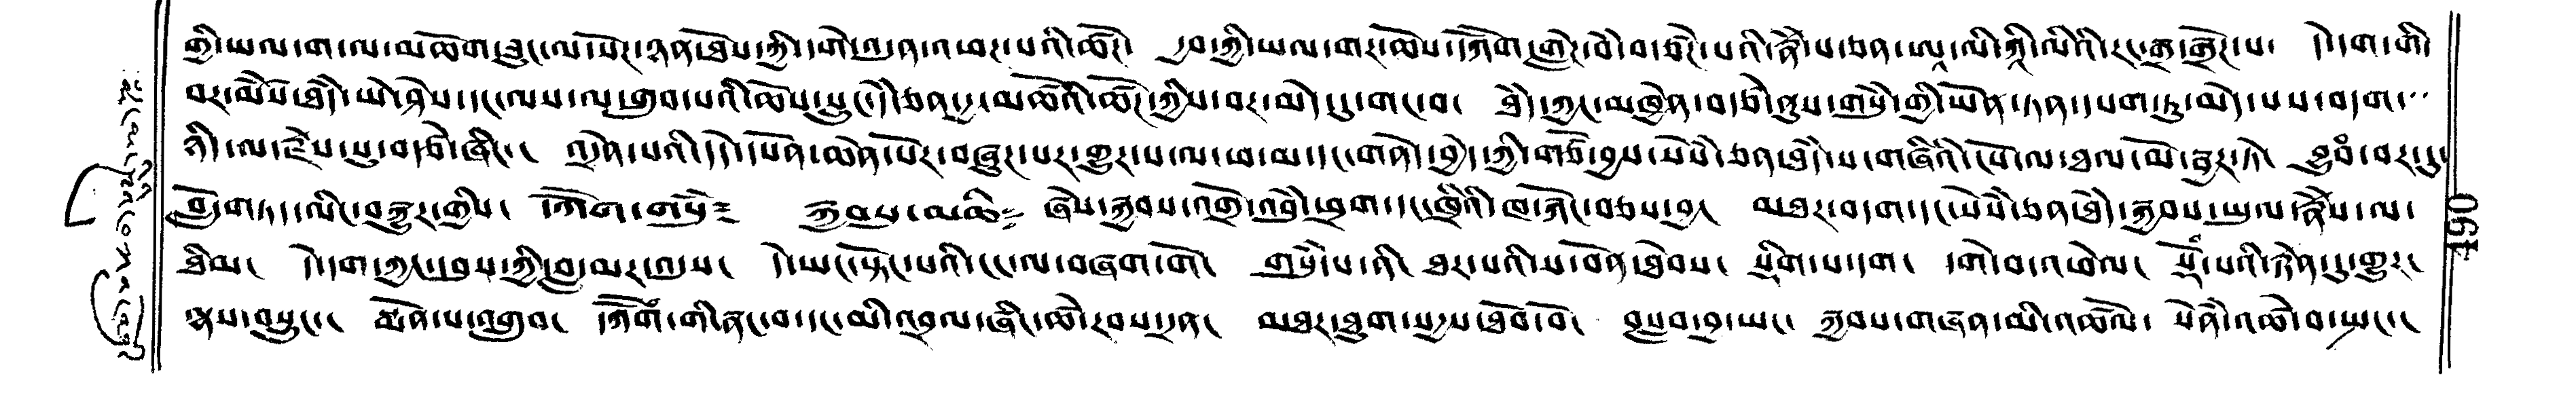གྱི་ཡལ་ག་ལ་མཆོག་ཟུང་ལ་སོགས་ཉན་ཐོས་ཀྱི་དགེ་འདུན་འཕགས་པའི་ཚོགས། རྒྱབ་ཀྱི་ཡལ་གར་ཆོས་དཀོན་མཆོག་གླེགས་བམ་བརྩེགས་པའི་རྣམ་པ་ཅན་ཨཱ་ལི་ཀཱ་ལིའི་རང་སྒྲ་སྒྲོག་པ། དེ་དག་གི་
བར་མཚམས་ཐམས་ཅད་ཡེ་ཤེས་དང་ལས་ལ་གྲུབ་པའི་ཆོས་སྲུང་དམ་ཅན་རྒྱ་མཚོའི་ཚོགས་ཀྱིས་བར་མེད་དུ་གང་བ། ཐམས་ཅད་ཀྱང་མཁྱེན་བརྩེ་ནུས་གསུམ་གྱི་ཡོན་ཏན་དཔག་ཏུ་མེད་པས་བདག་
ཉིད་ལ་རྗེས་སུ་བརྩེ་ཞིང་། འདྲེན་པའི་དེད་དཔོན་ཆེན་པོར་བཞུགས་པར་གྱུར་པ་ལ་ཕ་མ་དང་གནོད་བྱེད་ཀྱི་གཙོ་བྱས་སེམས་ཅན་ཐམས་ཅད་ས་གཞིའི་ངོས་ལ་ཐལ་མོ་སྦྱར་ཏེ། བྱང་ཆུབ་བར་དུ་
བློ་གཏད་ལིང་བསྐྱུར་གྱིས། དཀོན་མཆོག་གསུམ༴ སྐྱབས་སུ་མཆི༔ ཞེས་སྐྱབས་འགྲོ་འབུམ་ཕྲག་དང་ཁྲིའི་ཁ་སྐོང་བཅས་བྱ། མཐར་བདག་དང་སེམས་ཅན་ཐམས་ཅད་སྐྱབས་ཡུལ་རྣམས་ལ་
ཐིམ། དེ་དག་ཀྱང་དབུས་ཀྱི་བླ་མར་འདུས། དེ་ཡང་སྟོང་པའི་ངང་ལ་གཞག་གོ གསུམ་པ་ནི། ཐར་པའི་ས་བོན་ཐེབས། སྡིག་པ་དག དགེ་བ་འཕེལ། སྡོམ་པའི་རྟེན་དུ་གྱུར། 
ལྷས་སྲུང་། སྨོན་པ་འགྲུབ། དཀོན་མཆོག་གི་སྣང་བ་དང་མི་འབྲལ་ཞིང་ཚེ་རབས་དྲན། མཐར་ཐུག་སངས་རྒྱས་འཐོབ་བོ། བསླབ་བྱ་ཡང་། སྐྱབས་གཞན་མི་འཚོལ།སེམས་ཅན་འཚེ་བ་སྤང་།